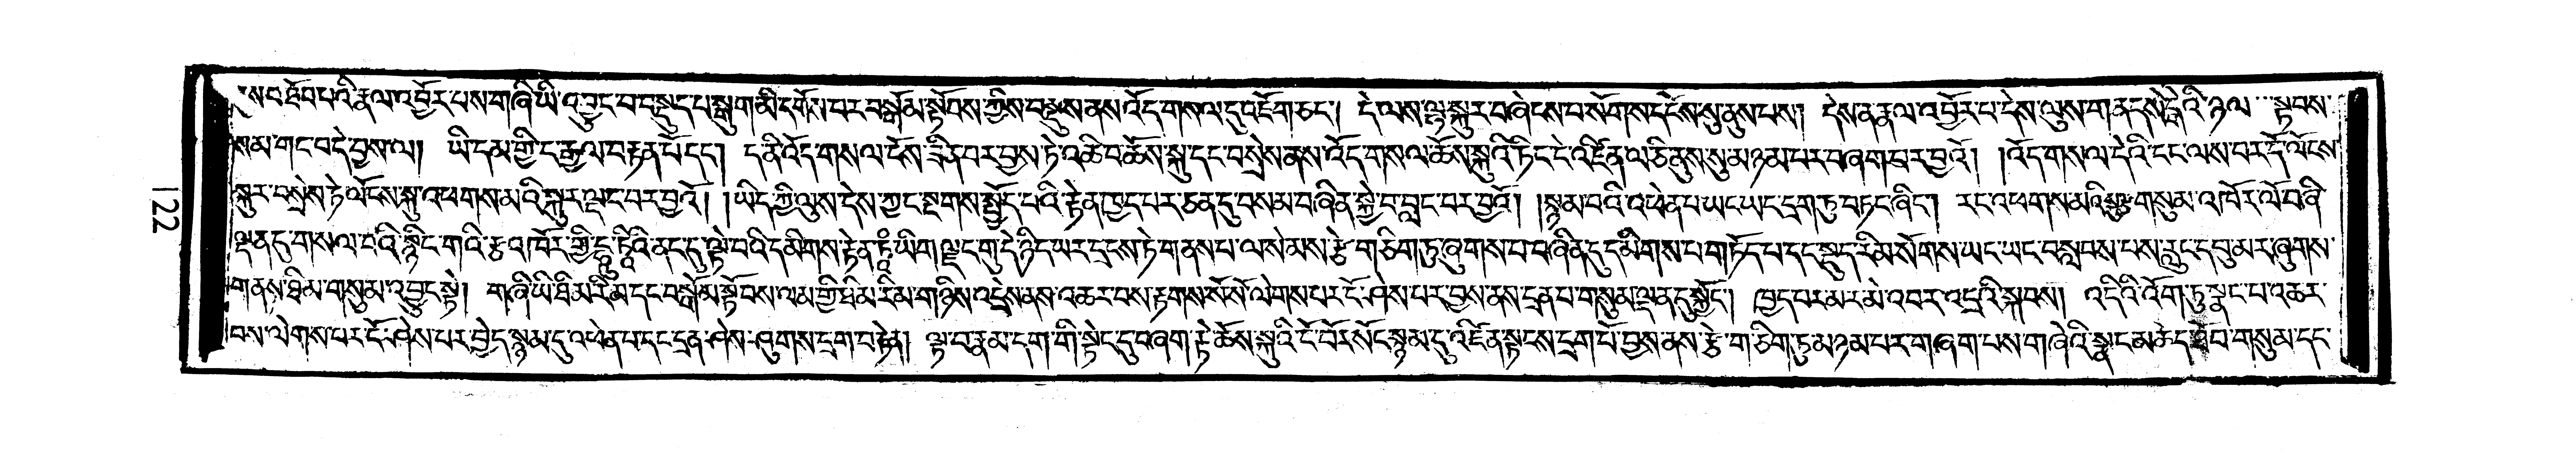ནུས་པ་ཐོབ་བའི་རྣལ་འབྱོར་བས་གཞིའི་འབྱུང་བ་སྡུད་པ་སྒུག་མི་དགོས་པར་བསྒོམ་སྟོབས་ཀྱིས་བསྡུས་ནས་འོད་གསལ་དུ་འཇོག་ཅིང་། དེ་ལས་ལྷ་སྐུར་བཞེངས་པ་སོགས་དངོས་སུ་ནུས་པས། དེས་ན་རྣལ་འབྱོར་པ་དེས་ལུས་གནད་སེངྒེའི་ཉལ་སྟབས་
སམ་གང་བདེ་བྱས་ལ། ཡི་དམ་གྱི་ང་རྒྱལ་བརྟན་པོ་དང་། ད་ནི་འོད་གསལ་ངོས་ཟིན་པར་བྱས་ཏེ་འཆི་བ་ཆོས་སྐུ་དང་བསྲེས་ནས་འོད་གསལ་ཆོས་སྐུའི་ཏིང་ངེ་འཛིན་ལ་ཅི་ནུས་སུ་མཉམ་པར་བཞག་པར་བྱའོ། །འོད་གསལ་དེའི་ངང་ལས་བར་དོ་ལོངས་
སྐུར་བསྲེས་ཏེ་ལོངས་སྐུ་འཕགས་མའི་སྐུར་ལྡང་བར་བྱའོ། །ཡིད་ཀྱི་ལུས་དེས་ཀྱང་སྔགས་སྤྱོད་པའི་རྟེན་ཁྱད་པར་ཅན་དུ་བསམ་བཞིན་སྐྱེ་བ་བླང་བར་བྱའོ། །སྙམ་པའི་འཕེན་པ་ཡང་ཡང་དྲག་ཏུ་བཏང་ཞིང་། རང་འཕགས་མའི་སྐུ་རྩ་གསུམ་འཁོར་ལོ་བཞི་
ལྡན་དུ་གསལ་བའི་སྙིང་གའི་རྩ་འཁོར་གྱི་དྷཱུཾ་ཏཱིའི་ནང་དུ་ལྟེ་བའི་དམིགས་རྟེན་ཏཱཾ་ཡིག་ལྗང་གུ་དེ་ཉིད་ཡར་དྲངས་ཏེ་གནས་པ་ལ་སེམས་རྩེ་གཅིག་ཏུ་ཞུགས་པ་བཞིན་དུ་དམིགས་པ་གཏོད་པ་དང་སྡུད་རིམ་སོགས་ཡང་ཡང་བསླབས་པས་རླུང་དབུ་མར་ཞུགས་
གནས་ཐིམ་གསུམ་འབྱུང་སྟེ། གཞི་ཡི་ཐིམ་རིམ་དང་བསྒོམ་སྟོབས་ལམ་གྱི་ཐིམ་རིམ་གཉིས་འདྲེས་ནས་འཆར་བས་རྟགས་སོ་སོ་ལེགས་པར་ངོ་ཤེས་པར་བྱས་ནས་དྲན་པ་གསུམ་ལྡན་དུ་སྐྱོང་། ཁྱད་པར་མར་མེ་འབར་འདྲའི་སྐབས། འདིའི་འོག་ཏུ་སྣང་བ་འཆར་
པས་ལགས་པར་ཇོ་ཤེས་པར་བྱེད་སྙམ་དུ་འཕེན་པ་དང་དྲན་ཤེས་ཤུགས་དྲག་བསྟེན། ལྟ་བ་རྣམ་དག་གི་སྟེང་དུ་བཞུག་སྟེ་ཆོས་སྐུའི་ངོ་བོར་སོང་སྙམ་དུ་འཛིན་སྟངས་དྲག་པོ་བྱས་ནས་རྩེ་གཅིག་ཏུ་མཉམ་པར་བཞག་པས་གཞིའི་སྣང་མཆེད་ཐོབ་གསུམ་དང་